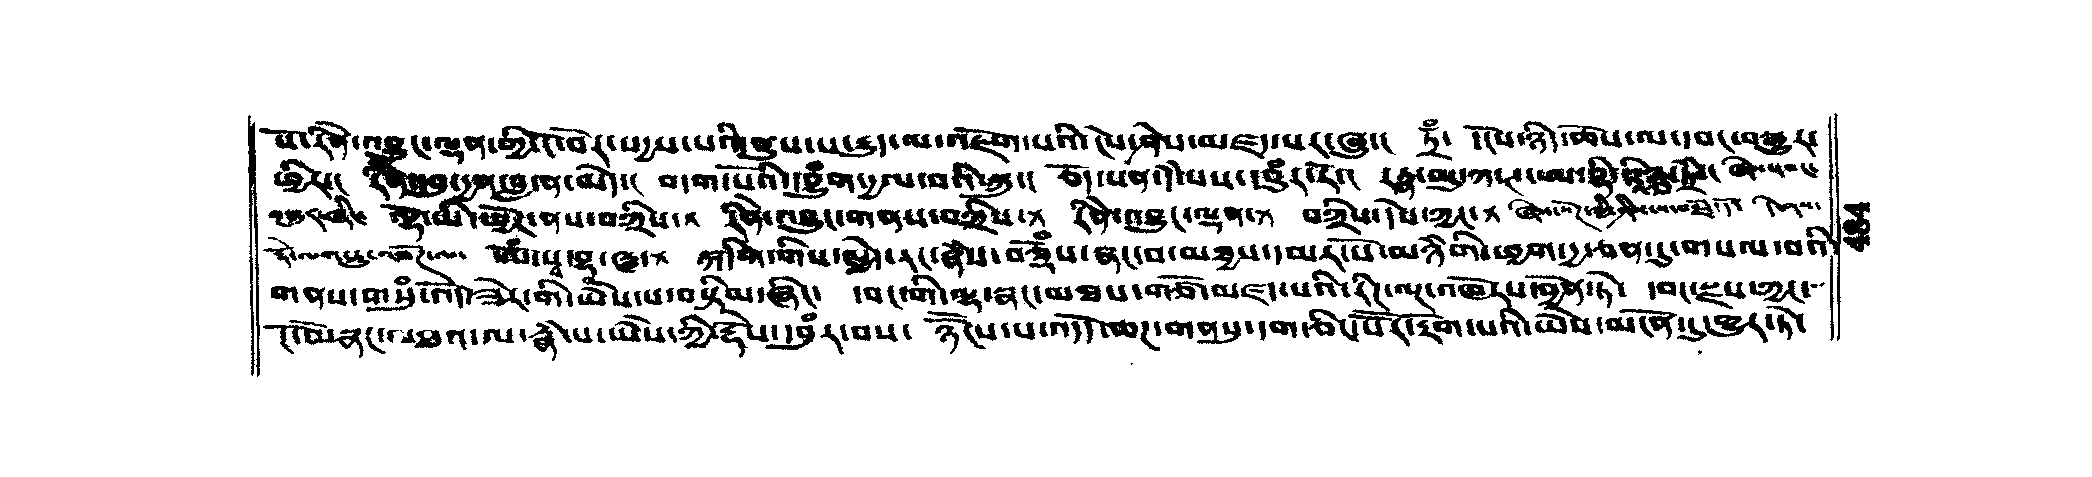པོ་རིན་ཆེན་འབྱུང་ལྡན་གྱི་ངོ་བོར་སངས་རྒྱས་སངས་རྒྱས་པའི་ནུས་པ་རྒྱུད་ལ་འཇོག་པའི་ངེས་ཤེས་མཛད་པར་ཞུ། ཏྲཾ། དངོས་ཉིད་ཆོས་ལ་དབང་བསྒྱུར་
ཕྱིར། རིན་ཆེན་དབུ་རྒྱན་བླ་ན་མེད། །བདག་པོའི་དབང་ཕྱུག་རྒྱལ་བའི་སྐུ། །ཅོད་པན་དམ་པས་དབང་བསྐུར་རོ། །རཏྣ་མུཀ་ཊ་ཨ་བྷི་རཱིཉྩ་ཏྲཾ། ཞེས་དབང་
བསྒྱུར་ཞིང་། ལྷོ་ཡི་ཕྱོགས་ནས་བཀྲིས༴ རིན་ཆེན་འབྱུང་གནས་བཀྲ་ཤིས༴ རིན་ཆེན་འབྱུང་ལྡན་བཀྲ་ཤིས༴ བཀྲ་ཤིས་དེས་ཀྱ་༴ ཞེས་སོགས་ཀྱི་ཤིས་པ་བརྗོད་དོ། དེ་ནས་
རྡོ་རྗེ་ལག་ཏུ་ཐོགས་ལ། ཨོྃ་སྭ་བྷ་ཝ༴ སྐད་ཅིག་གིས་ཁྱེད་རང་རྣམས་བཅོམ་ལྡན་འདས་སྣང་བ་མཐའ་ཡས་དམར་པོ་མཉམ་གཞག་ཕྱག་རྒྱ་ཅན་དུ་གསལ་བའི་
གནས་གསུམ་འོད་ཟེར་གི་ཡེ་ཤེས་པ་བསྟིམ་ཞིང་། དབང་གི་ལྷ་སྣང་བ་མཐའ་ཡས་གཙོ་མཛད་པའི་རིགས་ལྔ་འཁོར་ནས་བྱོན་ཏེ། དབང་རྫས་ཀྱང་
ངོ་བོ་སྣང་མཐའ་ལ་རྣམ་པ་ཡེ་ཤེས་ཀྱི་རྡོ་རྗེས་དབང་བསྐུར་བས།ཉོན་མོངས་པ་འདོད་ཆགས་གནས་སུ་དག་ཅིང་བྱ་བ་ཀུན་གྲུབ་པའི་ཡེ་ཤེས་མངོན་དུ་གྱུར་ཏེ།